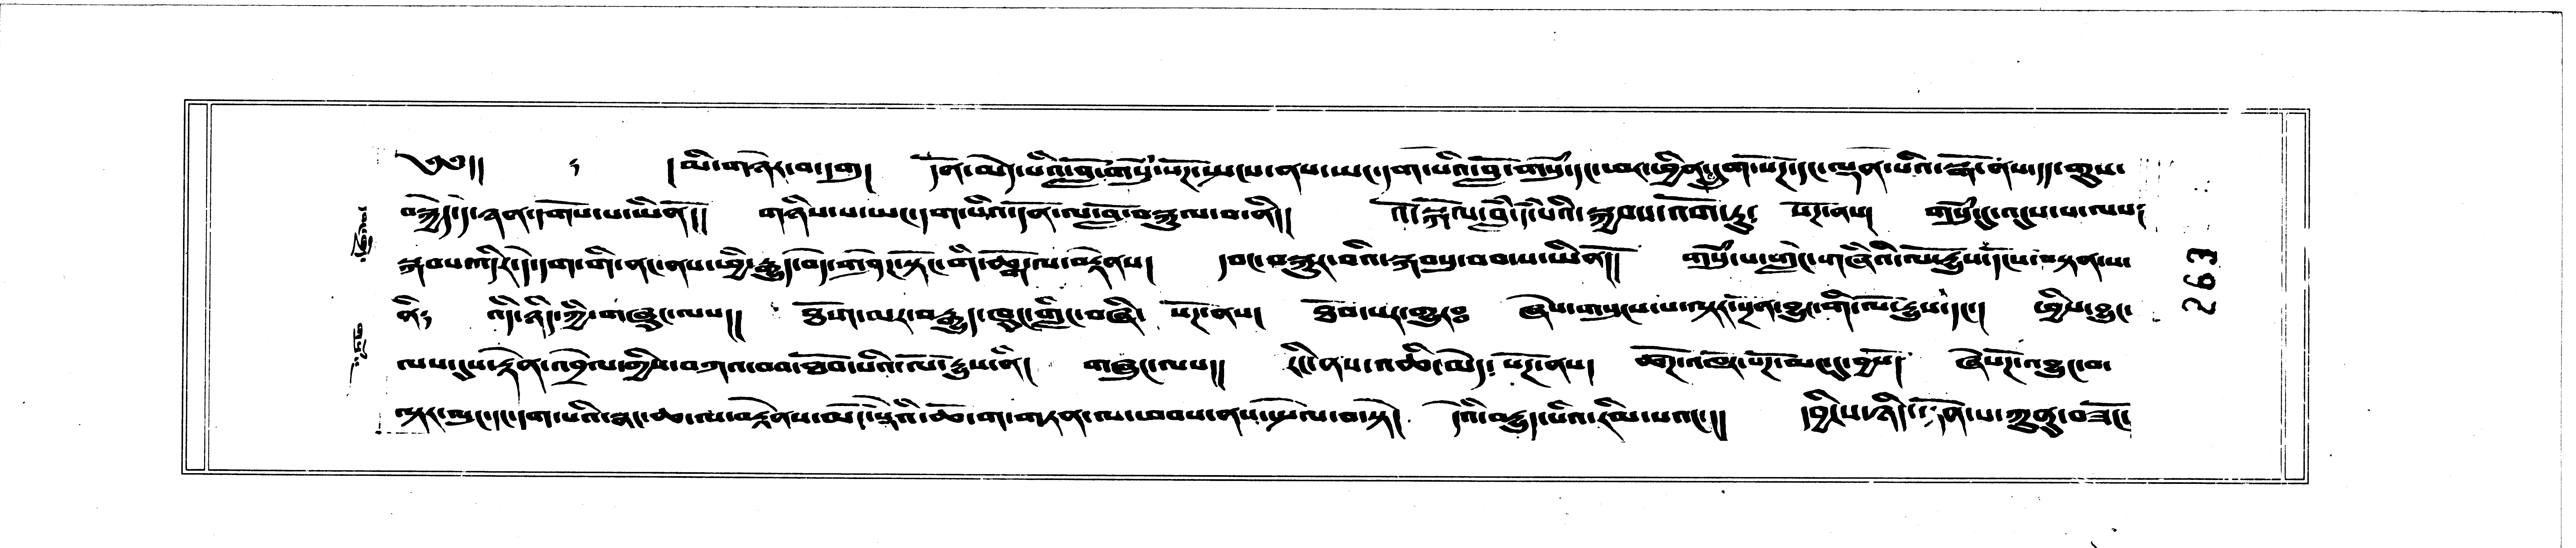མི་གཉེར་བ་དགུ། དོན་མེད་པའི་བློ་གསུམ་སོགས་སྤངས་ནས། ཡང་དག་པའི་བློ་གསུམ་དང་། ཕར་ཕྱིན་དྲུག་སོགས་དང་ལྡན་པའི་སྒོ་ནས་དད་གུས་
བསྐྱེད་དེ་ཉན་དགོས་པ་ཡིན་ནོ། གཉིས་པ་ཡང་དག་པའི་དོན་ལ་བློ་བསྐུལ་བ་ནི། འོ་སྐོལ་བླ་མ་དམ་པའི་སྐྱབས་འོག་ཏུ། སོགས་ནས། གསུམ་དུ་འདུས་པ་ལས། 
སྐབས་འདིར་དེ་དག་གི་ནང་ནས་ཕྱི་རྒྱུད་བདེར་གཤེགས་སྟོང་གི་ཆོ་ག་ལ་བརྟེན་ནས། དབང་བསྐུར་བའི་སྐབས་སུ་བབས་པ་ཡིན་ནོ། །གསུམ་པ་གླེང་གཞིའི་ལོ་རྒྱུས་དངོས་བསྟན་པ་
ནི། འདི་ཉིད་ཀྱི་གཞུང་ལས། ཐོག་མར་རྒྱུད་ཁུངས་གླིང་གཞི་སོགས་ནས། ཐོབ་པར་གྱུར། ཞེས་གསུངས་པ་ལྟར་སྔོན་བྱུང་གི་ལོ་རྒྱུས་དང་། ཕྱིས་བྱུང་
ལས་དུས་རྟེན་འབྲེལ་གྱིས་བཀའ་བབ་ཐོབ་པའི་ལོ་རྒྱུས་ནི། གཞུང་ལས། རིང་ནས་འཆི་མེད། སོགས་ནས། ཚོགས་འཁོར་སོགས་མང་དུ་བྱས་སོ། ཞེས་སོགས་འབྱུང་བ་
ལྟར། ལུང་དང་དག་པའི་སྣང་ཆ་ལ་བརྟེན་ནས་མདོ་སྡེའི་ཆོ་ག་གཏན་ལ་ཕབ་ནས་སྤེལ་བ་སྟེ། དེའི་བརྒྱུད་པའི་རིམ་པའང་། དབྱིངས་ཉིད་སྟོན་པ་ཀུན་ཏུ་བཟང་པོ་